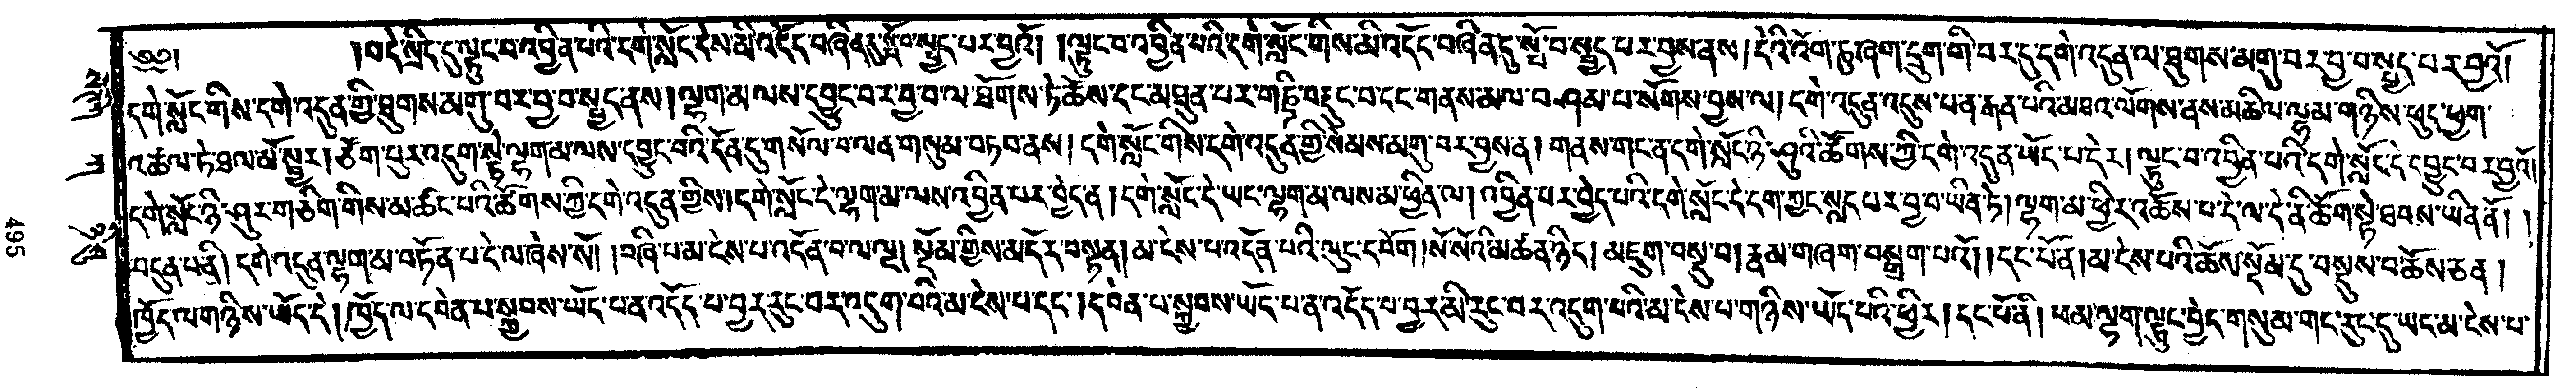༄༅། །བདེ་སྲིད་དུ་ལྟུང་བ་འབྱིན་པའི་དགེ་སློང་དེས་མི་འདོད་བཞིན་དུས་པོ་བ་སྤྱད་པར་བྱའོ། །ལྟུང་བ་འབྱིན་པའི་དགེ་སློང་གིས་མི་འདོད་བཞིན་དུ་སྤོ་བ་སྤྱད་པར་བྱས་ནས། དེའི་འོག་ཏུ་ཞག་དྲུག་གི་བར་དུ་དགེ་འདུན་ལ་ཐུགས་མགུ་བར་བྱ་བ་སྤྱད་པར་བྱའོ།
དགེ་སློང་གིས་དགེ་འདུན་གྱི་ཐུགས་མགུ་བར་བྱ་བ་སྤྱད་ནས། ལྷག་མ་ལས་དབྱུང་བར་བྱ་བ་ལ་ཐོགས་ཏེ་ཆོས་དང་མཐུན་པར་གཎྜི་བརྡུང་བ་དང་གནས་མལ་བཤམ་པ་སོགས་བྱས་ལ། དགེ་འདུན་འདུས་པ་ན་རྒན་པའི་མཐའ་ལོགས་ནས་མཆིལ་ལྷམ་གཉིས་ཕུང་ཕྱག་
འཚལ་ཏེ་ཐལ་མོ་སྦྱར། ཙོག་པུར་འདུག་སྟེ་ལྷག་མ་ལས་དབྱུང་བའི་དོན་དུ་གསོལ་བ་ལན་གསུམ་བཏབ་ནས། དགེ་སློང་གིས་དགེ་འདུན་གྱི་སེམས་མགུ་བར་བྱས་ན། གནས་གང་ན་དགེ་སློང་ཉི་ཤུའི་ཚོགས་ཀྱི་དགེ་འདུན་ཡོང་པ་དེར། ལྟུང་བ་འབྱིན་པའི་དགེ་སློང་དེ་དབྱུང་བར་བྱའོ།
དགེ་སློང་ཉི་ཤུར་གཅིག་གིས་མ་ཚང་པའི་ཚོགས་ཀྱི་དགེ་འདུན་གྱིས། དགེ་སློང་དེ་ལྷག་མ་ལས་འབྱིན་པར་བྱེད་ན། དགེ་སློང་དེ་ཡང་ལྷག་མ་ལས་མ་ཕྱིན་ལ། འབྱིན་པར་བྱེད་པའི་དགེ་སློང་དེ་དག་ཀྱང་སླད་པར་བྱ་བ་ཡིན་ཏེ། ལྷག་མ་ཕྱིར་འཆོས་པ་དེ་ལ་དེ་ནི་ཚོ་ག་སྟེ་ཐབས་ཡིན་ནོ། །
བདུན་པ་ནི། དགེ་འདུན་ལྷག་མ་བཏོན་པ་དེ་ལ་ཞེས་སོ། །བཞི་པ་མ་དེས་པ་འདོན་བ་ལ་ལྔ། སྡོམ་གྱིས་མདོར་བསྟན། མ་ངེས་པ་འདོན་པའི་ལུང་དབོག། སོ་སོའི་མཚན་ཉིད། མཇུག་བསྡུ་བ། རྣམ་གཞག་བསྒྲག་པའོ། །དང་པོ་ན། མ་ངེས་པའི་ཆོས་སྡོམ་དུ་བསྡུས་བ་ཆོས་ཅན།
ཁྱོད་ལ་གཉིས་ཡོད་དེ། ཁྱོད་ལ་དབེན་པ་སྐྱབས་ཡོད་པ་ན་འདོད་པ་བྱར་རུང་བར་འདུག་བའི་མ་ངེས་པ་དང་།དབེན་པ་སྐྱབས་ཡོད་པ་ན་འདོད་པ་བྱར་མི་རུང་བར་འདུག་པའི་མ་ངེས་པ་གཉིས་ཡོད་པའི་ཕྱིར། དང་པོ་ནི། ཕམ་ལྷག་ལྟུང་བྱེད་གསུམ་གང་རུང་དུ་ཡང་མ་ངེས་པ་